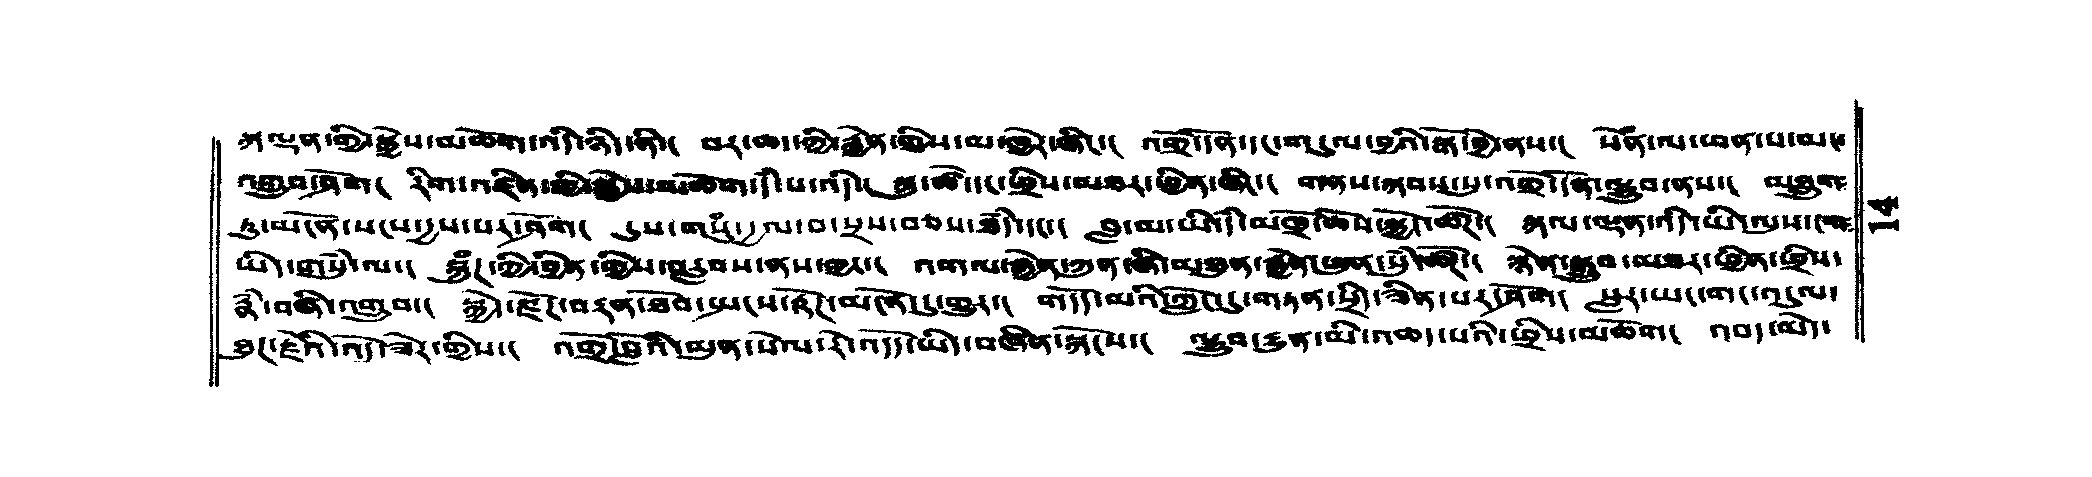།སྐལ་ལྡན་གྱི་སྐྱེས་མཆོག་འདི་ཉིད་ནི། །བར་ཆད་ཀྱི་རྐྱེན་གྱིས་མ་ཁྱེར་ཞིང་། །འགྲོ་དོན་དང་གདུལ་བྱའི་སྒོ་བྱེ་ནས། །སེམས་ཅན་ལ་ཕན་པ་མང་
འགྲུབ་ཤོག །རིག་འཛིན་གྱི་སྐྱེས་མཆོག་དམ་པ་འདི། །སྐུ་ཚེ་དང་ཕྲིན་ལས་མཐར་ཕྱིན་ཞིང་། །གནས་སྐབས་སུ་འགྲོ་དོན་ལྷུན་གྲུབ་ནས། །མཐར་ཐུག་
ཏུ་མངོན་སངས་རྒྱས་པར་ཤོག། ༈ དུས་གསུམ་རྒྱལ་བ་སྲས་བཅས་ཐམས་ཅད་དང་། །བླ་མ་ཡི་དམ་མཁའ་འགྲོ་ཆོས་སྐྱོང་ཚོགས། །སྐལ་ལྡན་འདི་ཡི་ལུས་ངག་
ཡིད་གསུམ་ལ། །སྐུ་གསུང་ཐུགས་ཀྱི་བྱིན་གྱིས་བརླབས་ནས་ཀྱང་། །འགལ་རྐྱེན་ཀུན་ཞི་མཐུན་རྐྱེན་ཕུན་སུམ་ཚོགས། །སྙེན་སྒྲུབ་མཐར་ཕྱིན་ཕྲིན་ལས་
རྣམ་བཞི་འགྲུབ། །བསྐྱེད་རྫོགས་བརྟན་ཐོབ་སྤངས་རྟོགས་མངོན་དུ་གྱུར། །གདོད་མའི་ཀློང་དུ་གཏན་སྲིད་ཟིན་པར་ཤོག །སླར་ཡང་གང་འདུལ་
ཐུགས་རྗེའི་འོད་ཟེར་གྱིས། །འགྲོ་བློའི་མུན་སེལ་རེ་འདོད་ཡིད་བཞིན་སྐོངས། །ལྷུན་གྲུབ་རྒྱུན་མི་འཆད་པའི་ཕྲིན་ལས་མཆོག །འབད་མེད་